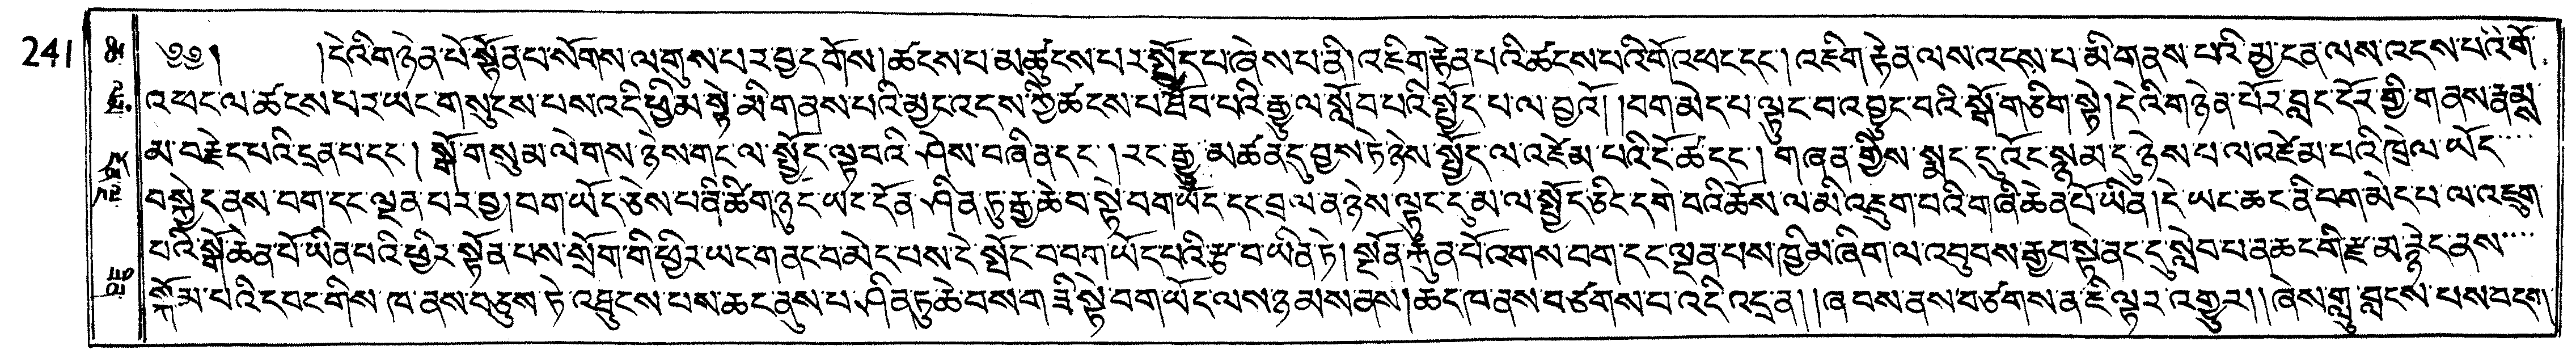༄༅། །དེའི་གཉེན་པོ་སྟོན་པ་སོགས་ལ་གུས་པར་བྱ་དགོས། ཚངས་པ་མཚུངས་པར་སྤྱོད་པ་ཞེས་པ་ནི། འཇིག་རྟེན་པའི་ཚངས་པའི་གོ་འཕང་དང་། འཇིག་རྟེན་ལས་འདས་པ་མི་གནས་པའི་མྱ་ངན་ལས་འདས་པའི་གོ་
འཕང་ལ་ཚངས་པར་ཡང་གསུངས་པས་འདི་ཕྱི་མ་སྟེ་མི་གནས་པའི་མྱང་འདས་ཀྱི་ཚངས་པ་ཐོབ་པའི་རྒྱུ་ལ་སློབ་པའི་སྤྱོད་པ་ལ་བྱའོ། །བག་མེད་པ་ལྟུང་བ་འབྱུང་བའི་སྒོ་གཅིག་སྟེ། དེའི་གཉེན་པོར་བླང་དོར་གྱི་གནས་རྣམས་
མ་བརྗེད་པའི་དྲན་པ་དང་། སྒོ་གསུམ་ལེགས་ཉེས་གང་ལ་སྤྱོད་ལྟ་བའི་ཤེས་བཞིན་དང་། རང་རྒྱུ་མཚན་དུ་བྱས་ཏེ་ཉེས་སྤྱོད་ལ་འཛེམ་པའི་ངོ་ཚ་དང་། གཞན་གྱིས་སྨད་དུ་འོང་སྙམ་དུ་ཉེས་པ་ལ་འཛེམ་པའི་ཁྲེལ་ཡོད་
བསྐྱེད་ནས་བག་དང་ལྡན་པར་བྱ། བག་ཡོད་ཅེས་པ་ནི་ཚིག་ཉུང་ཡང་དོན་ཤིན་ཏུ་རྒྱ་ཆེ་བ་སྟེ་བག་ཡོད་དང་བྲལ་ན་ཉེས་ལྟུང་དུ་མ་ལ་སྤྱོད་ཅིང་དགེ་བའི་ཆོས་ལ་མི་འཇུག་པའི་གཞི་ཆེན་པོ་ཡིན། དེ་ཡང་ཆང་ནི་བག་མེད་པ་ལ་འཇུག་
པའི་སྒོ་ཆེན་པོ་ཡིན་པའི་ཕྱིར་སྟོན་པས་སྲོག་གི་ཕྱིར་ཡང་གནང་བ་མེད་པས་དེ་སྤོང་བ་བག་ཡོད་པའི་རྩ་བ་ཡིན་ཏེ། སྔོན་རྐུན་པོ་འགས་བག་དང་ལྡན་པས་ཁྱིམ་ཞིག་ལ་འབུབས་རྒྱབ་སྟེ་ནང་དུ་སླེབ་པ་ན་ཆང་གི་རྫ་མ་རྙེད་ནས་
སྐོམ་པའི་དབང་གིས་ཁ་ནས་བཅུས་ཏེ་འཐུངས་པས་ཆང་ནུས་པ་ཤིན་ཏུ་ཆེ་བས་གཟི་སྟེ་བག་ཡོད་ལས་ཉམས་ནས། ཆད་ཁ་ནས་བཙགས་པ་འདི་འདྲ་ན། །ཞབས་ནས་བཙགས་ན་ཇི་ལྟར་འགྱུར། །ཞེས་གླུ་བླངས་པས་བདག་